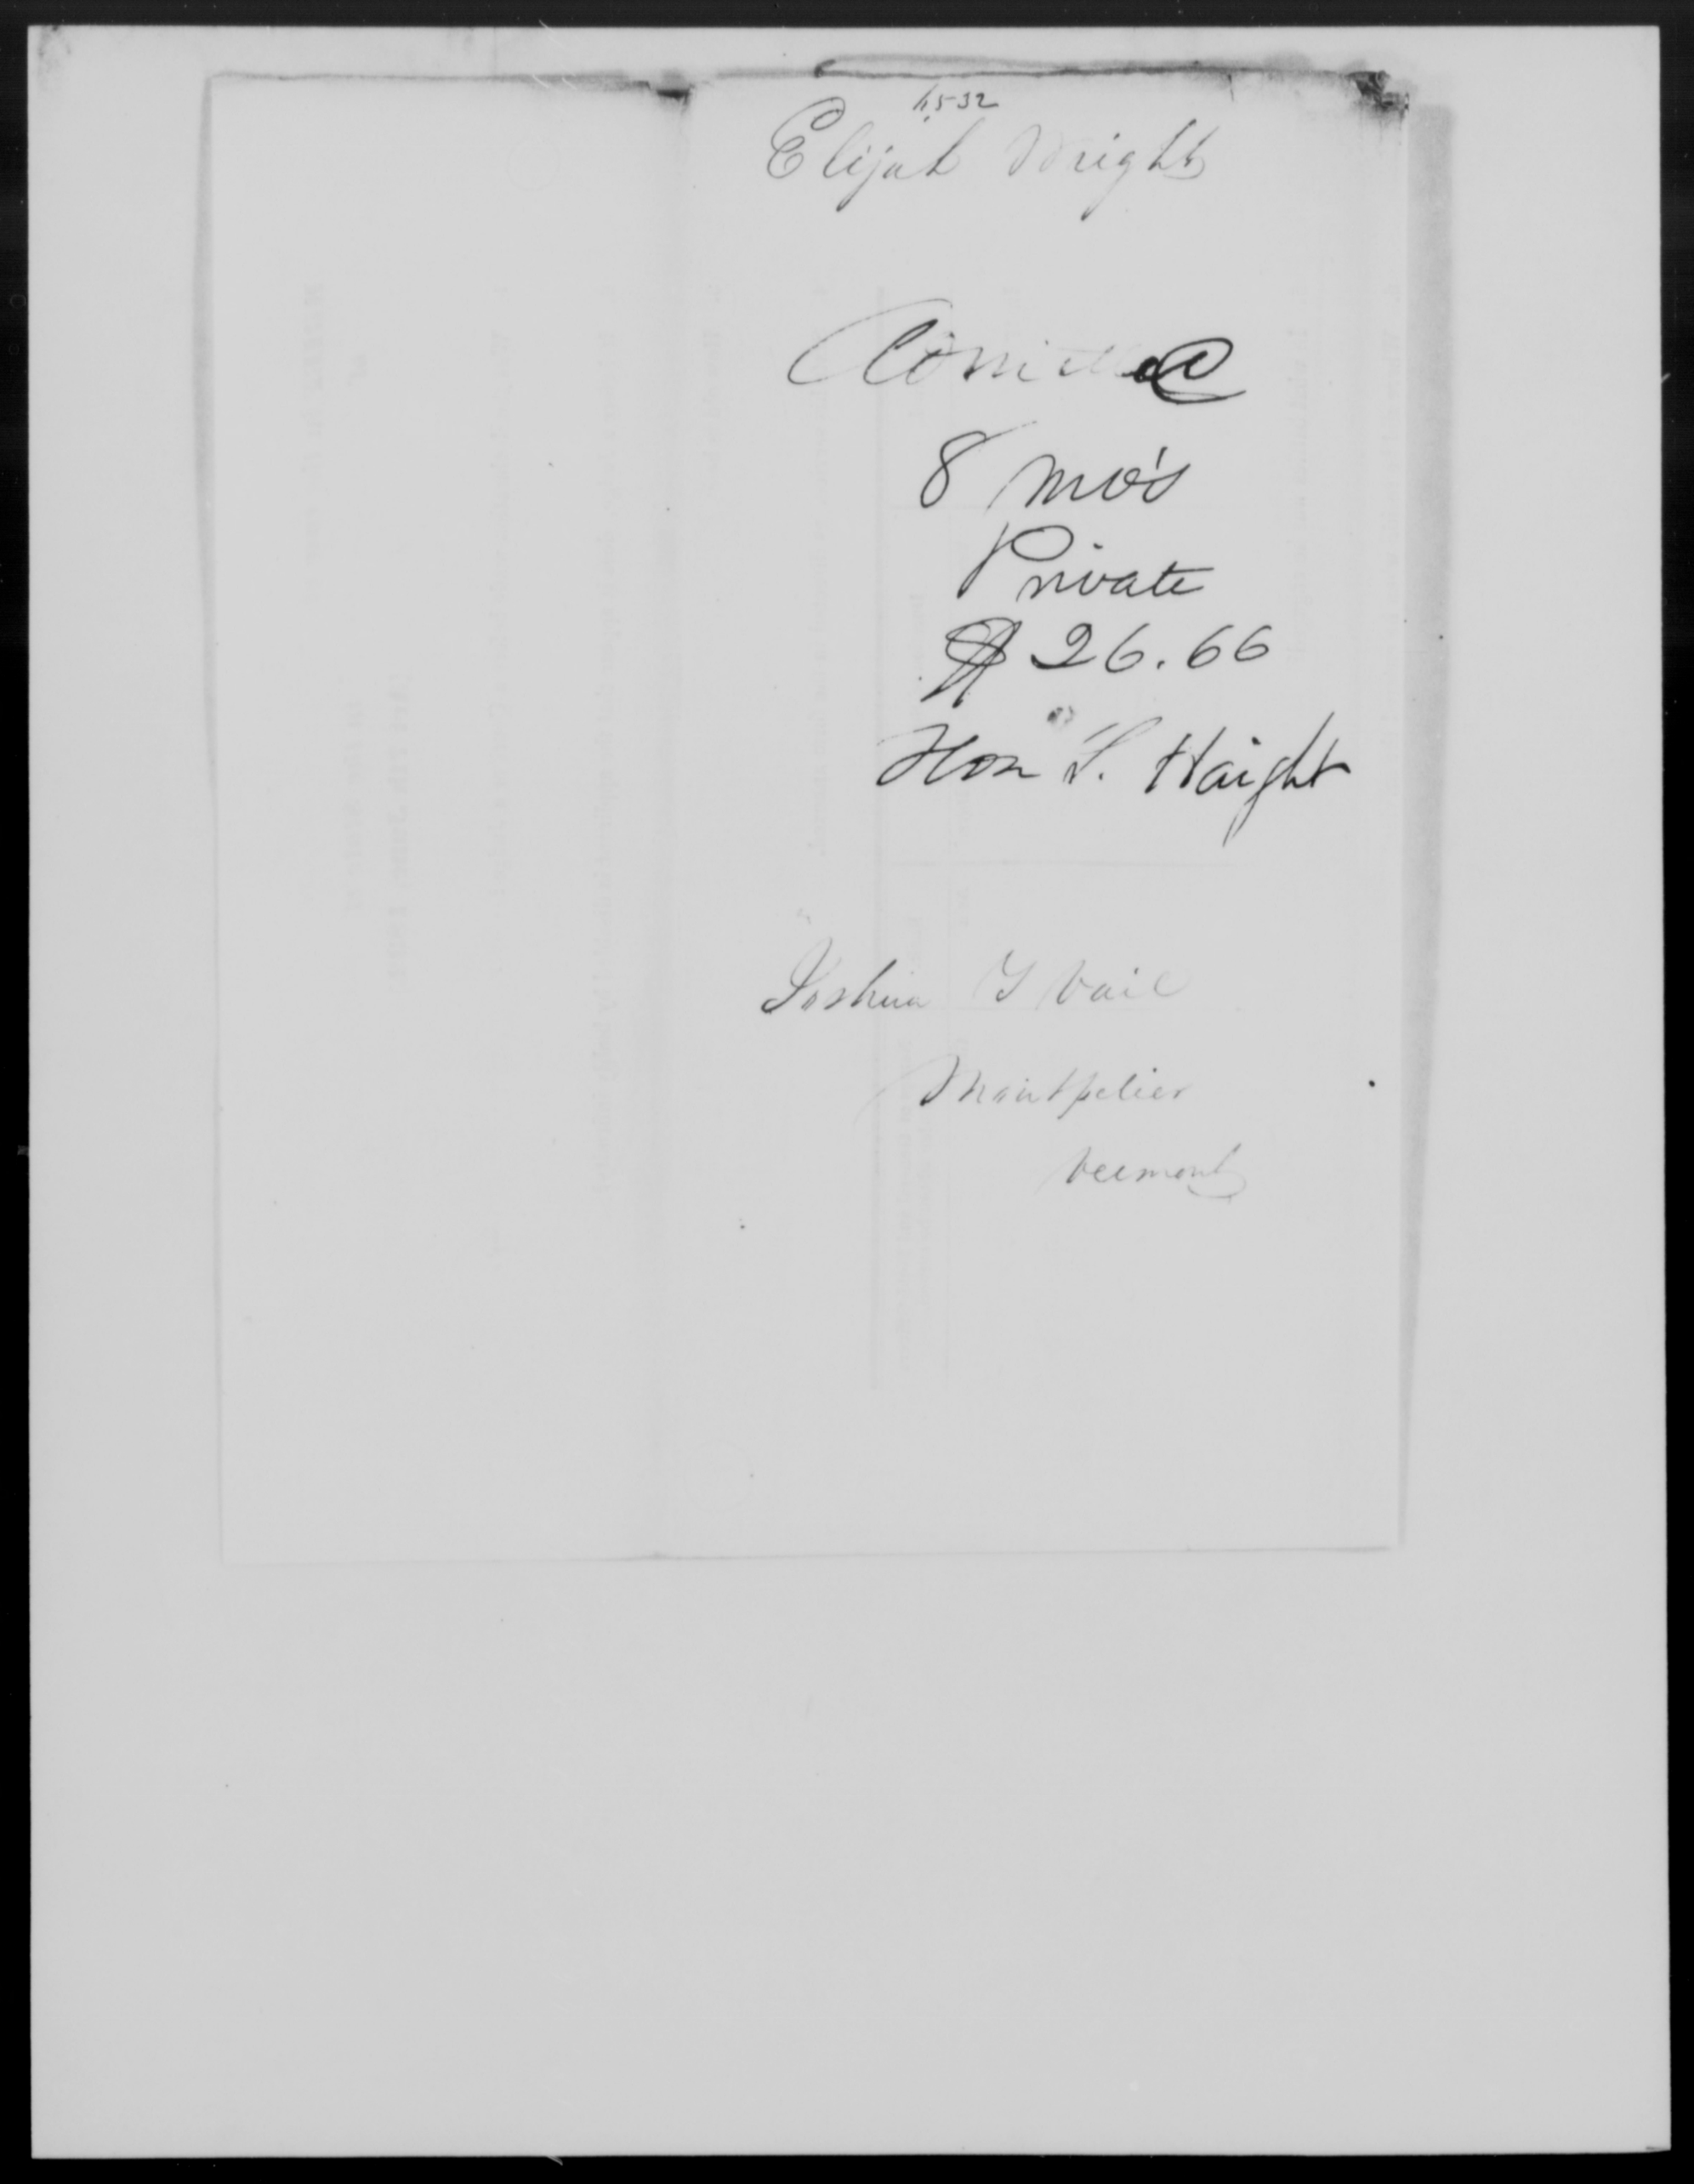6532

Elijah Wright

Admited
8 Mo's Private
$26.66
Hon S Haight

Joshua Y Vail
Montpelier
Vermont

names: Joshua Y Vail, S Haight, Elijah Wright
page: 7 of 26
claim: widow's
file: W. 26,137, Elijah Wright, N.H.